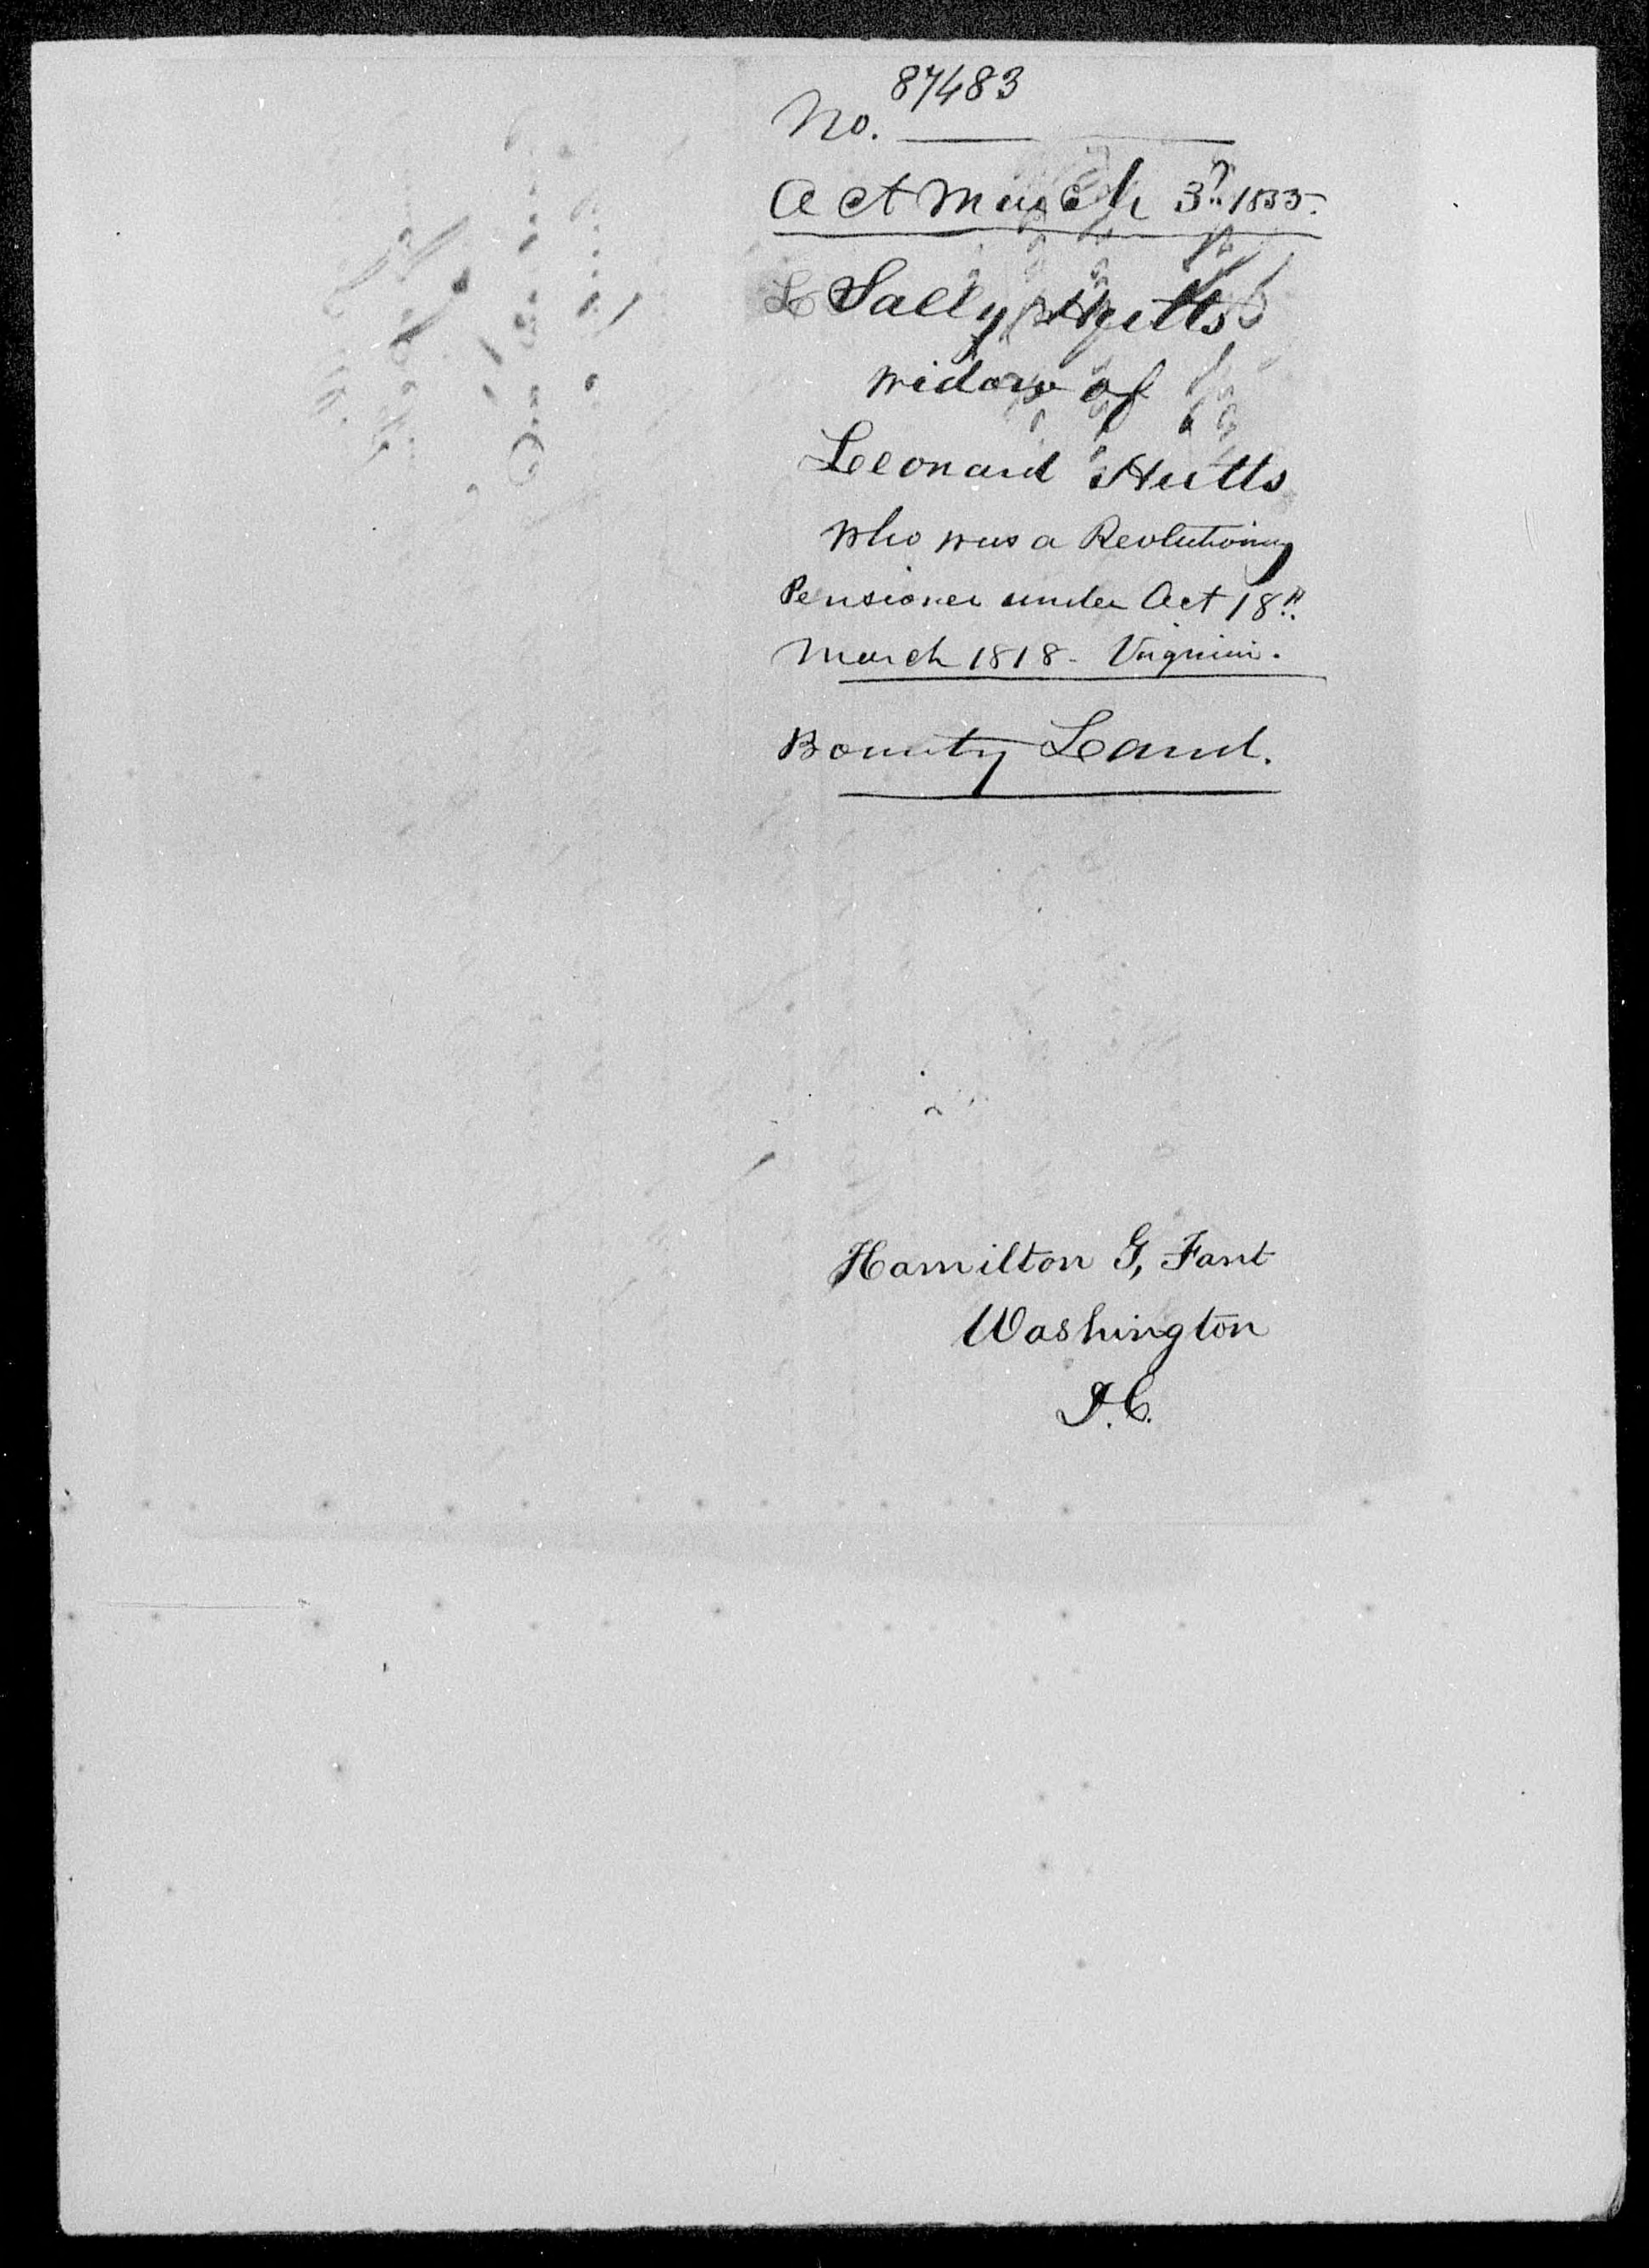No. 87483

Act March 3d 1833

Sally Hutts
widow of
Leonard Hutts
who as a Revolutionary
Pensioner under Act 1820
March 1818 Virginia

Bounty Land

Hamilton G. Fant
Washington D. C.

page: 8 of 33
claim: widow's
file: W. 550, for Leonard Hutts, Virginia